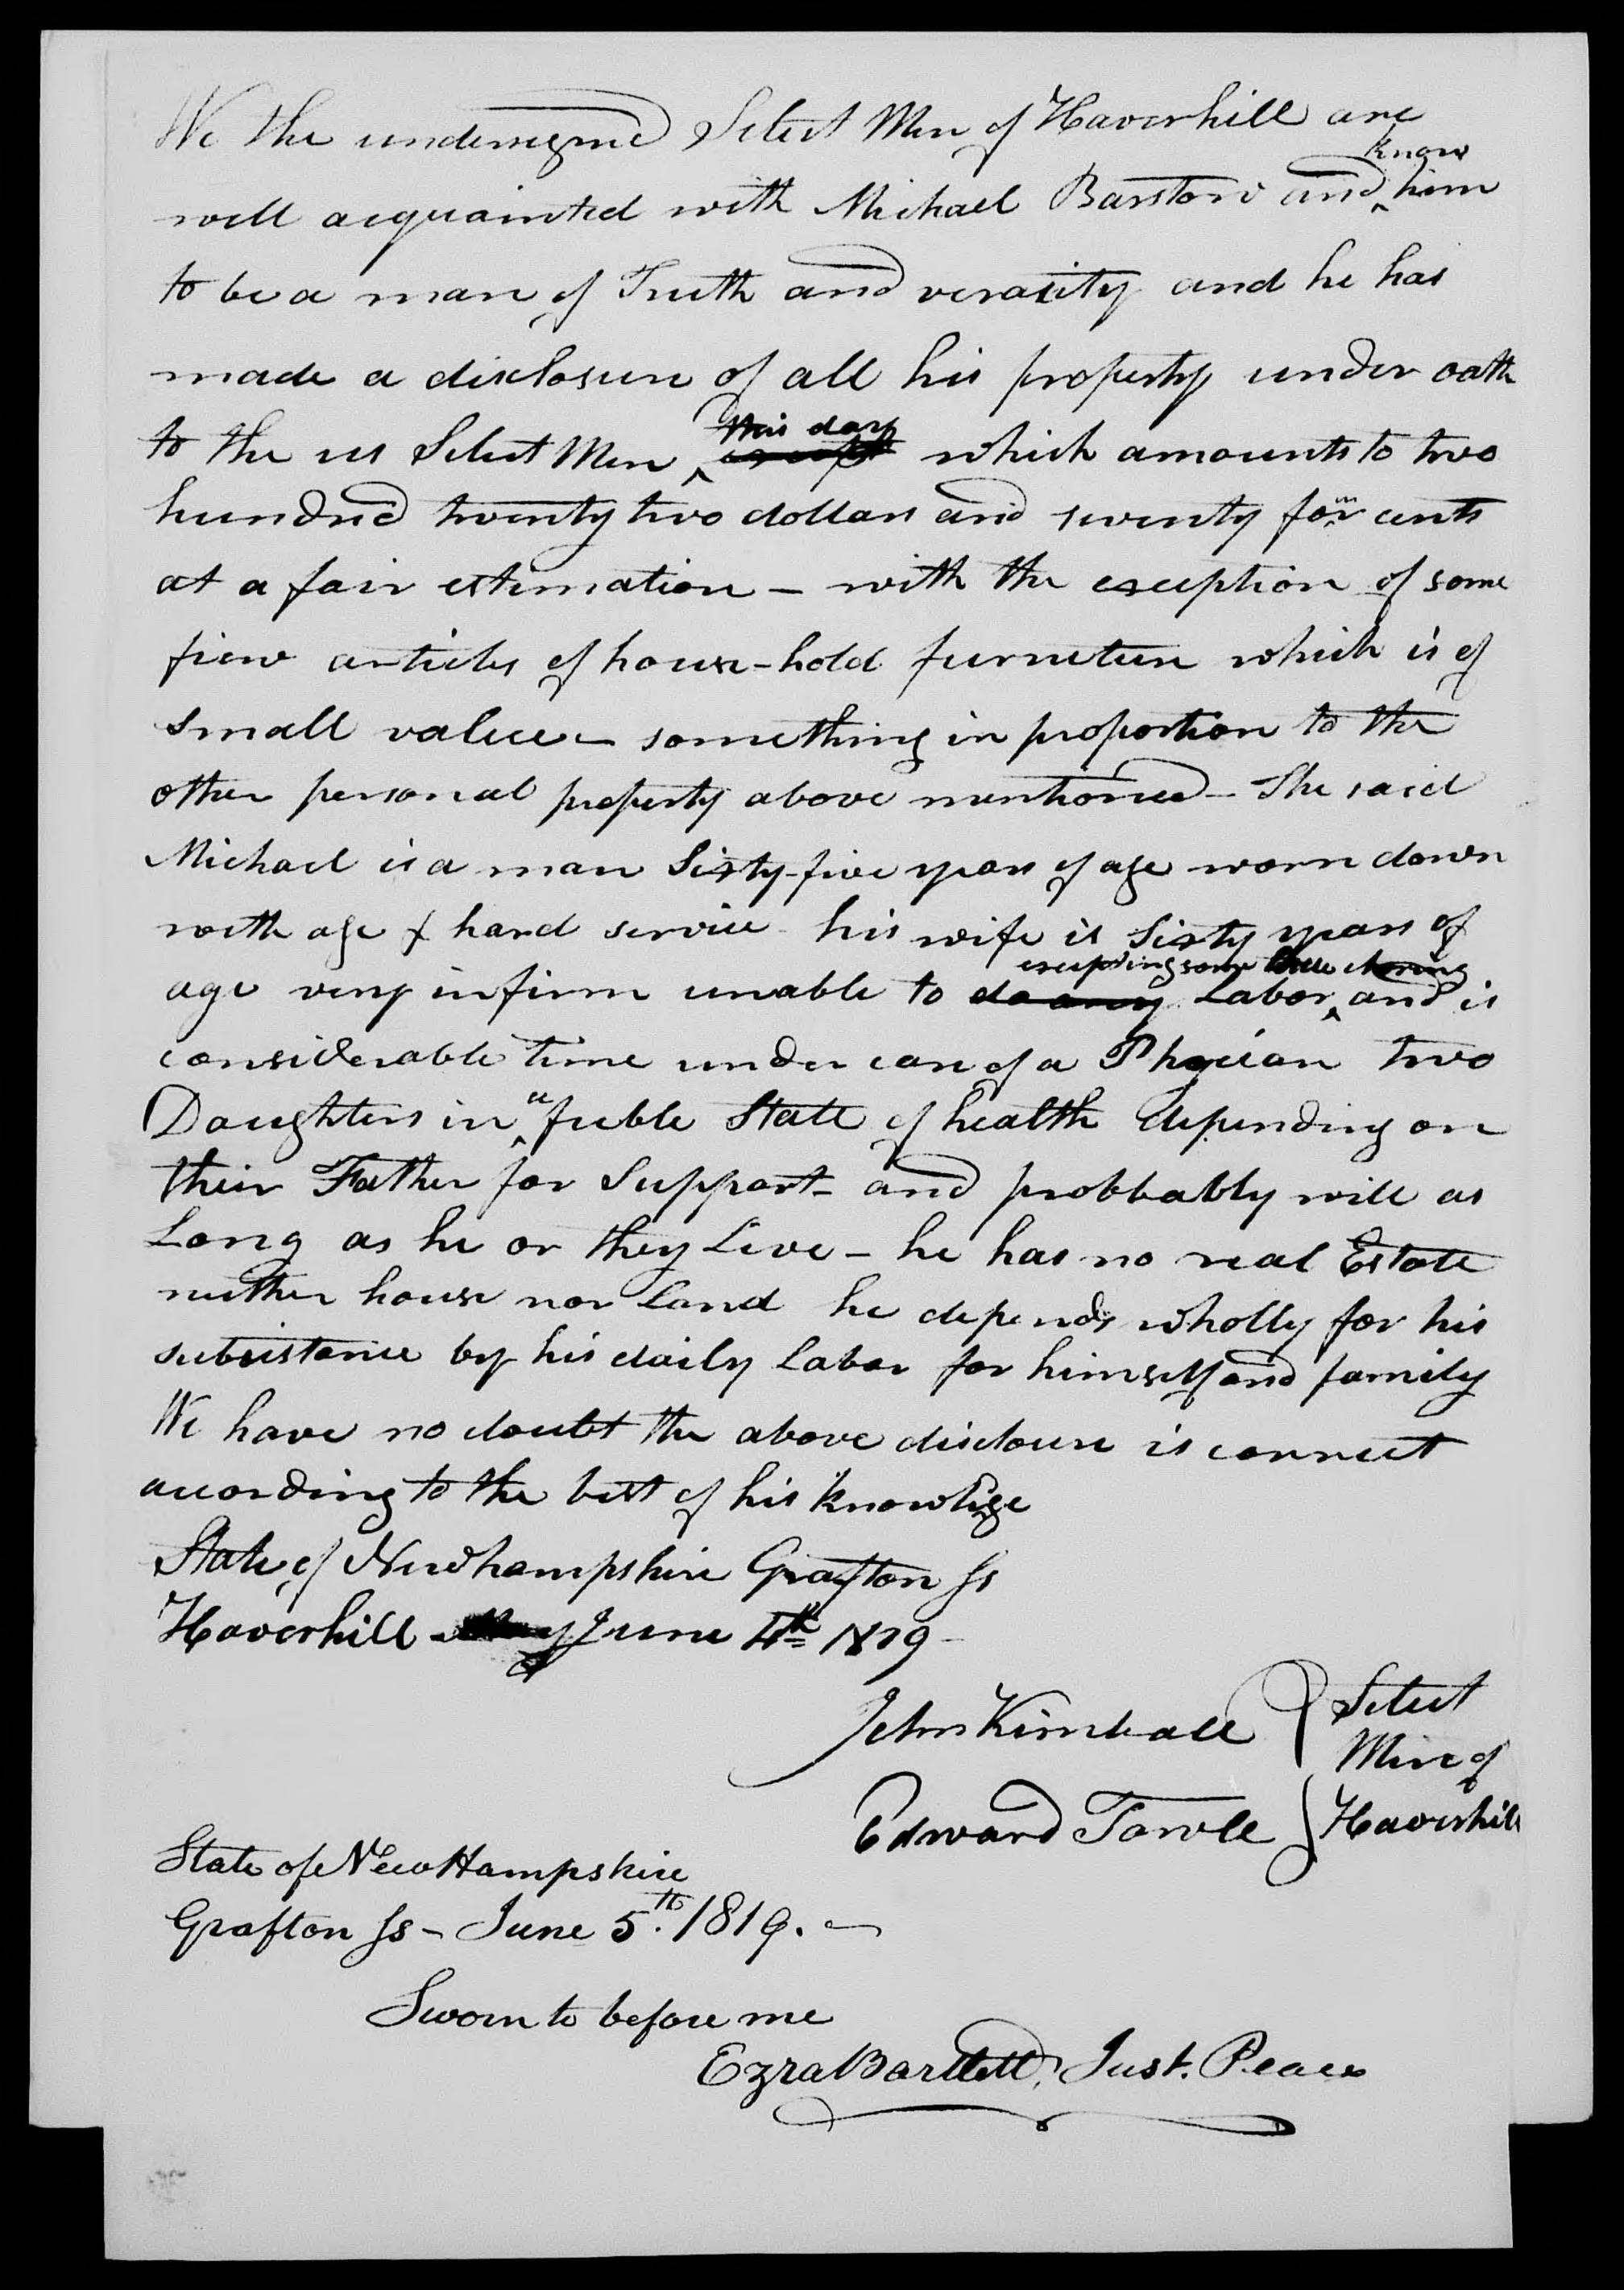We the undersigned, Select Men of Haverhill are well acquainted with Michael Barstow and know him to be a man of truth and veracity and he has made a disclosure of all his property under oath to the [illegible] Select Men this day which amounts to two hundred twenty two dollars and twenty four cents at a fair estimation with the exception of some [illegible] articles of household furniture which is of small value, something in proportion to the other personal property above mentioned.  The said Michael is a man sixty five years of age, worn down with age and hard service.  His wife is sixty years of age, very infirm unable to, excepting some [illegible] labor and is considerable time under care of a physician.  Two daughters in "feeble state of health depending on their  father for support and probably will as long as he or they live.  He has no real estate neither house nor land, he depends wholly for his subsistance  by his daily labor for himself and family.
We have no doubt the above disclosure is correct according to the best of his knowledge.
State of New Hampshire Grafton
Haverhill, June 4th, 1819
John Kimball, Edward Towle
Select Men of Haverhill

State of New Hampshire
Grafton, June 5th 1819
Sworn to before me, Ezra Bartlett, Just. Peace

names: Ezra Bartlett, Michael Barstow, Edward Towle, Michael, John Kimball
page: 19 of 22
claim: survivor's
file: S. 45,519, Michael Barstow, Conn.